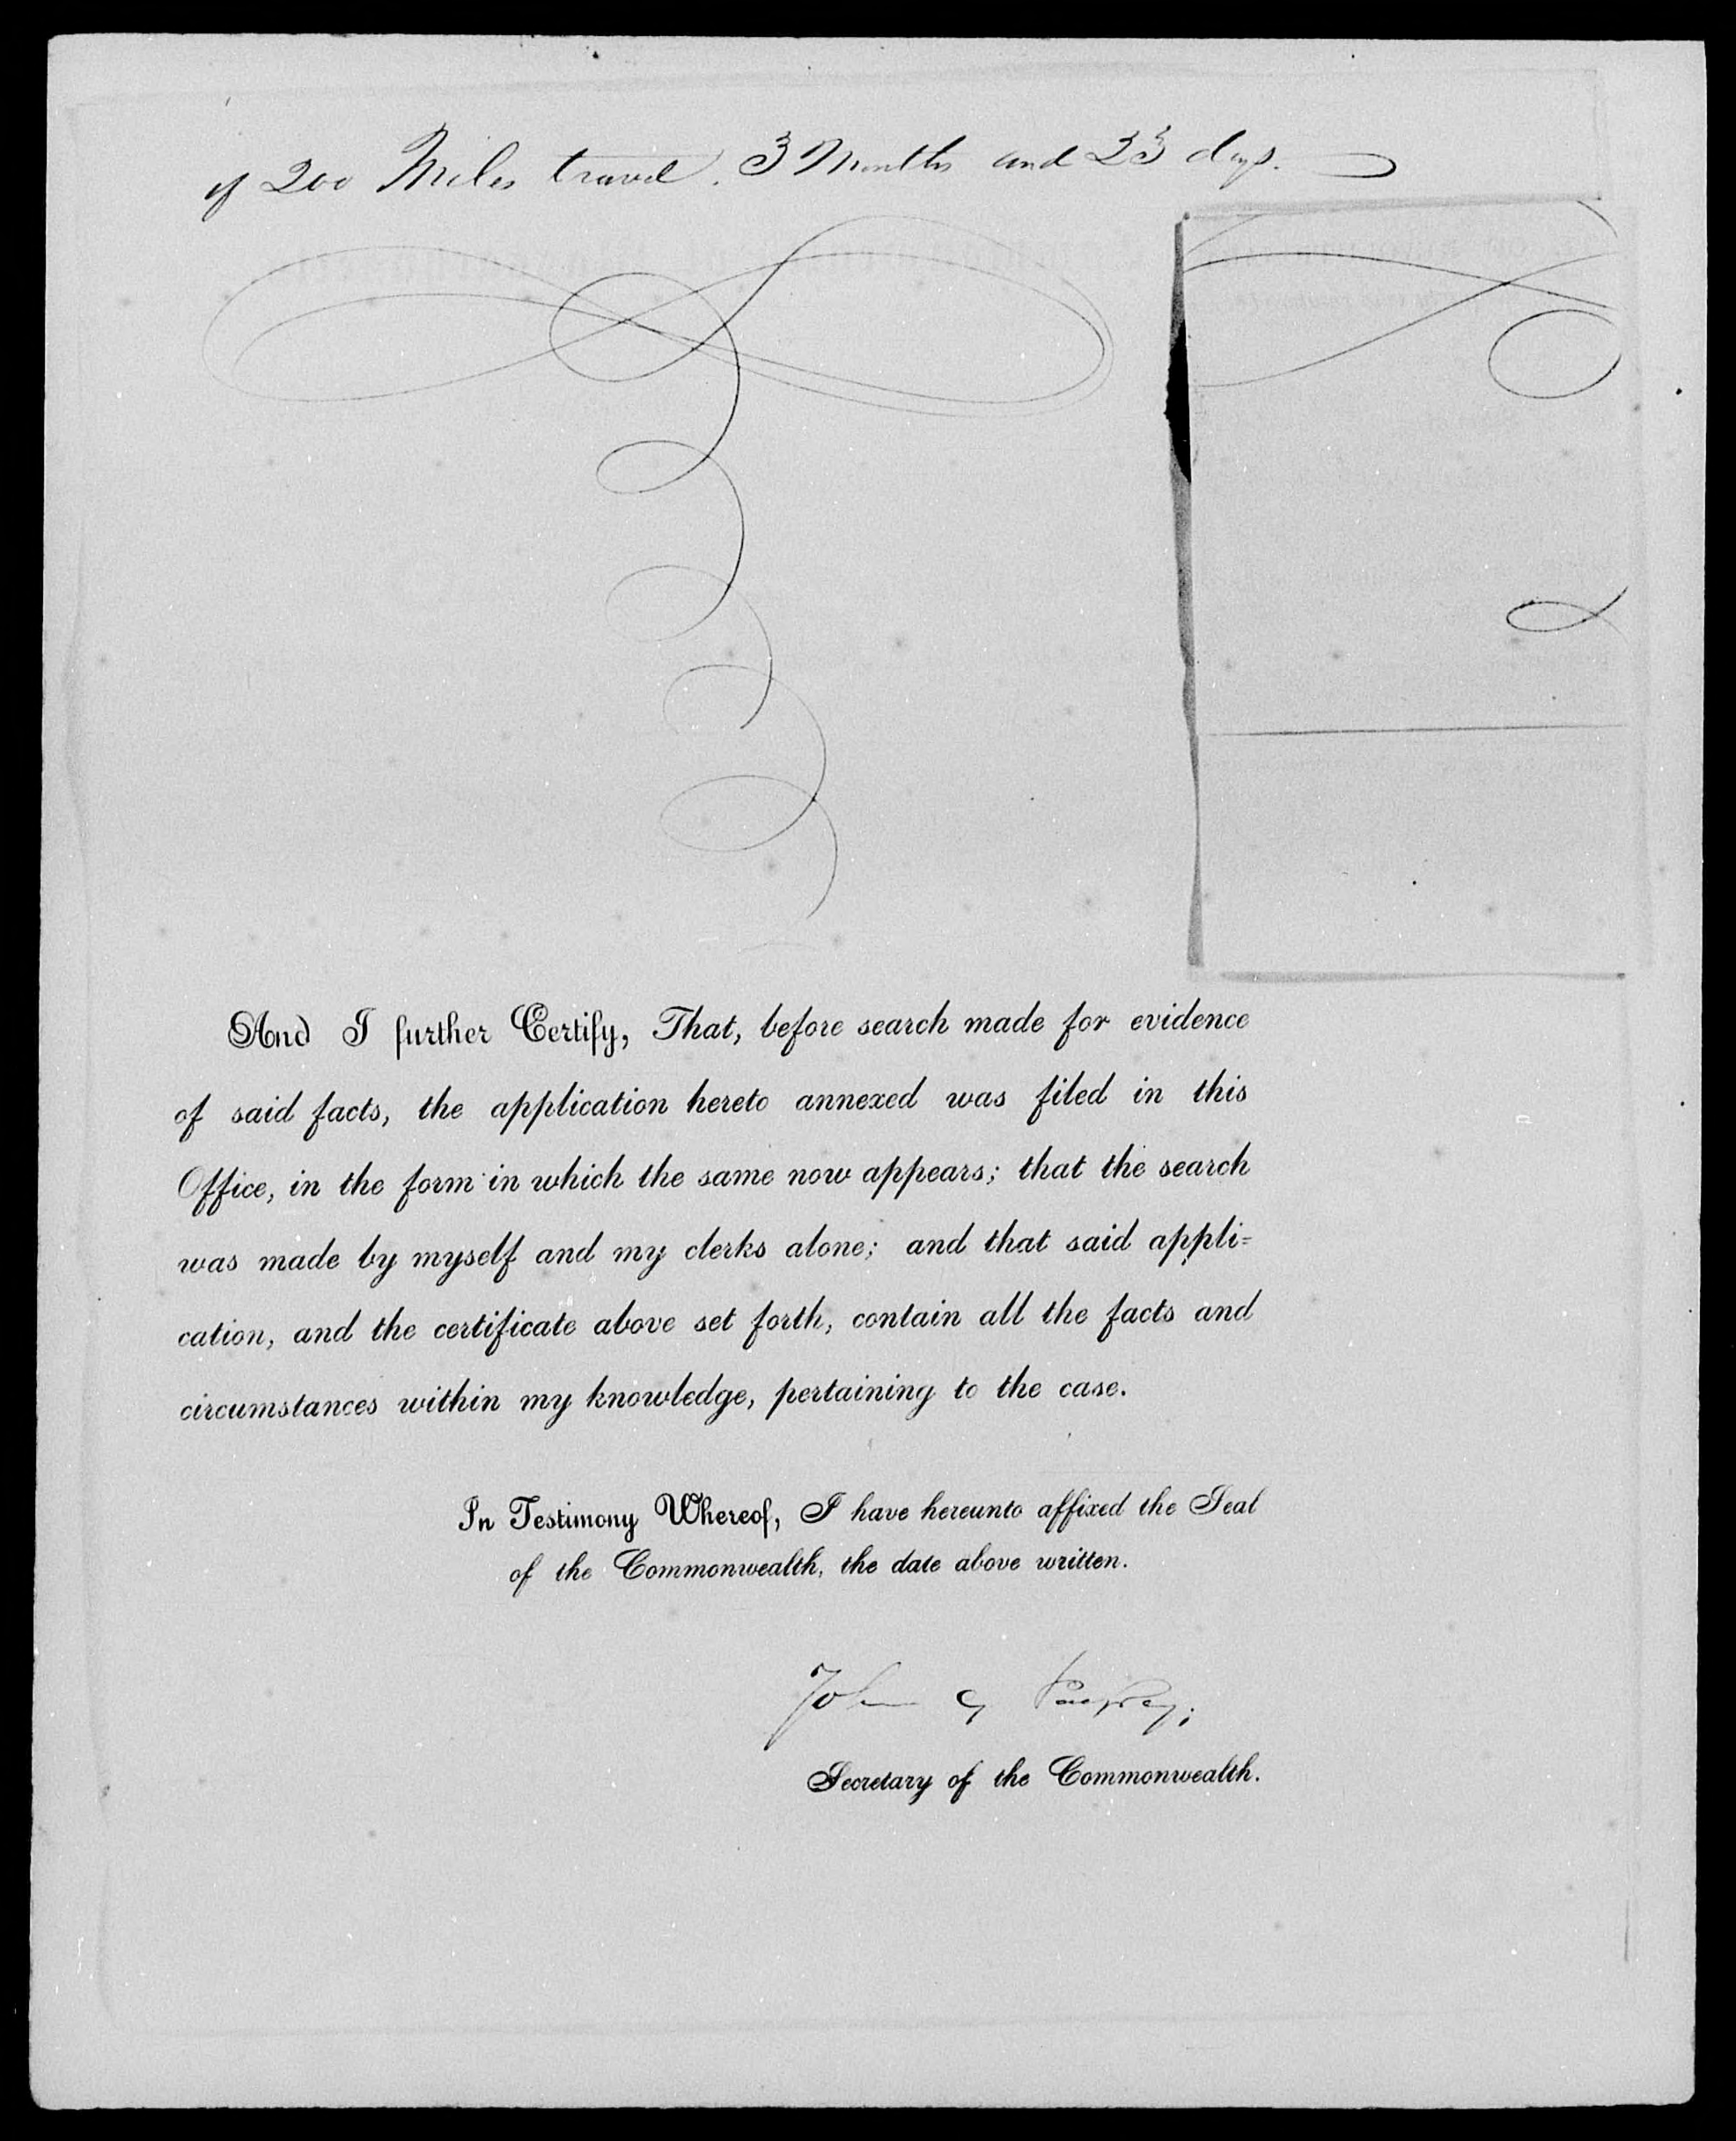of 200 miles travel 3 months and 23 days.

And I further Certify, That, before search made for evidence of said facts, the application hereto annexed was filed in this Office, in the form in which the same now appears; that the search was made by myself and my clerks alone; and that said application and the certificate above set forth, contain all the facts and circumstances within my knowledge, pertaining to the case. 

In Testimony Whereof, I have hereunto affixed the Seal of the Commonwealth, the date above written

John G. Palfrey
Secretary of the Commonwealth.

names: John G Palfrey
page: 48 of 59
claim: widow's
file: W. 23017, Richard Clair Everett, Mass.